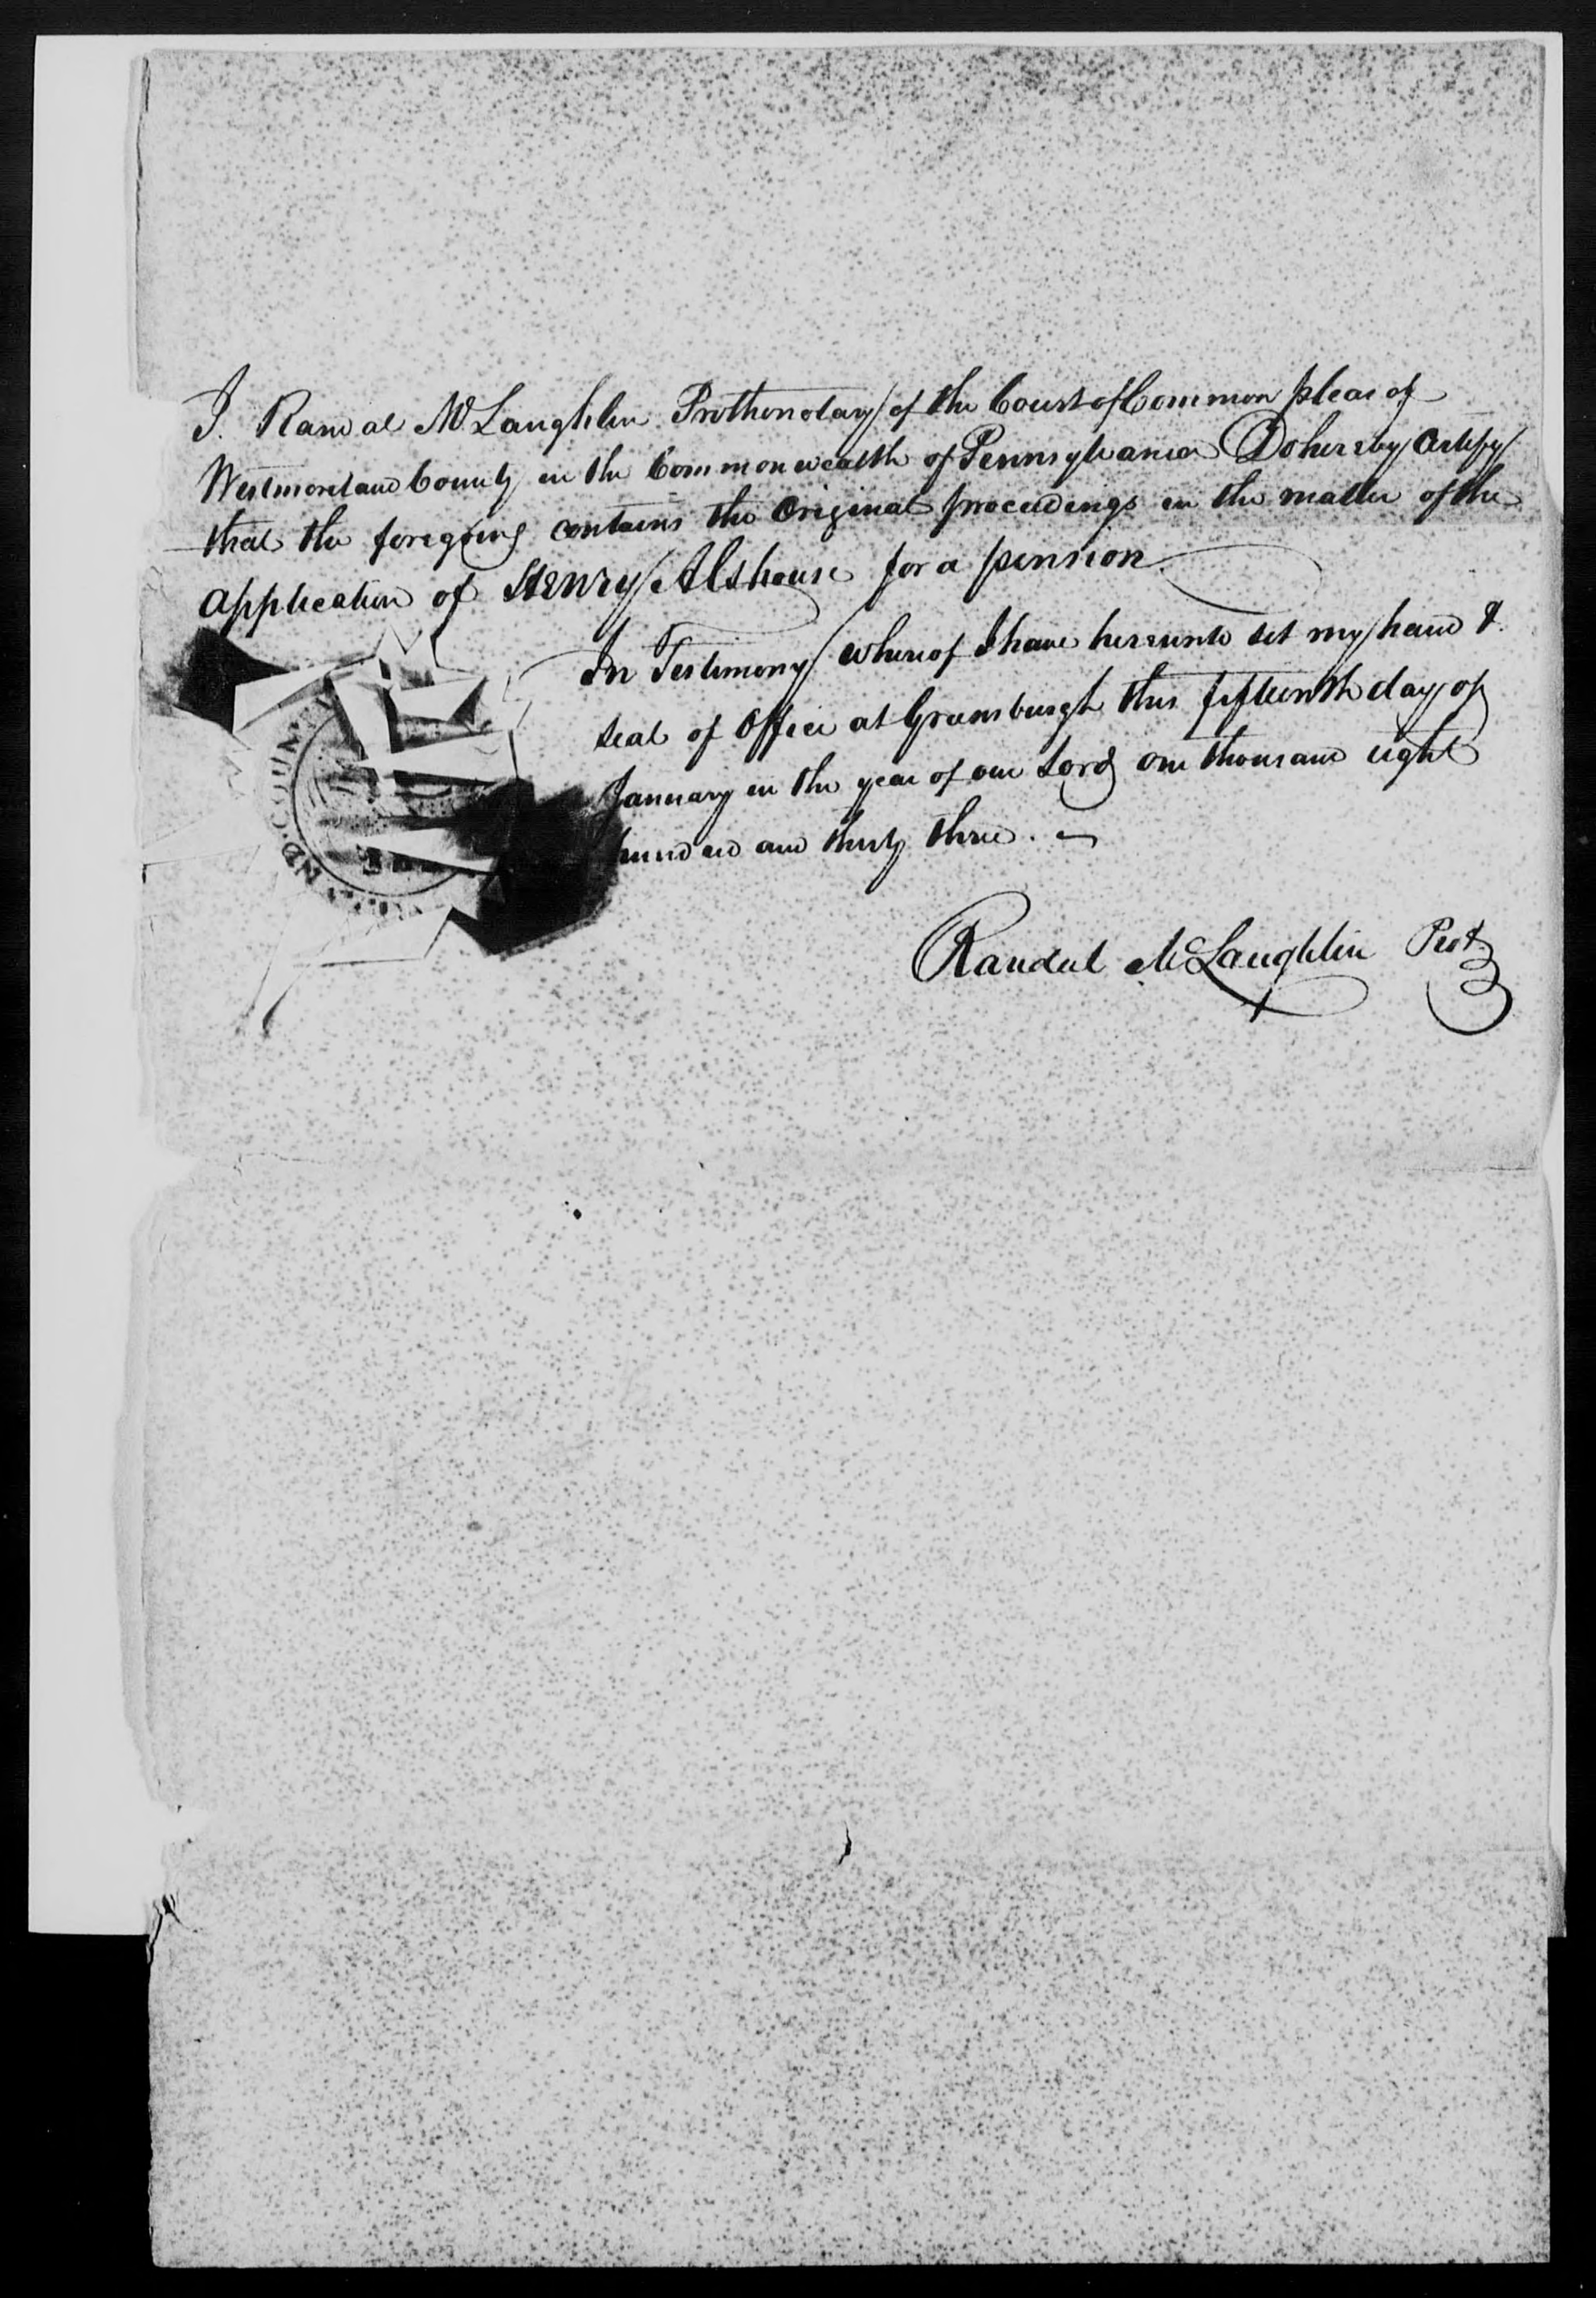I Randal McLaughlin Prothonotary of the Court of Common pleas of Westmorland County in the Commonwealth of Pennsylvania Do hereby certify that the foregoing contains the original proceedings in the matter of the
application of Henry Allshouse for a pension
In Testimony whereof I have hereunto set my hand & Seal of Office at Greenburgh this fifteenth day of January in the year of our Lord one thousand eight hundred and thirty three -
Randal McLaughlin Prot

[seal]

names: Randal Mc Laughlin, Henry Alshouse, Randal Mc Laughlin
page: 10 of 24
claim: survivor's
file: S. 2032, Henry Allshouse, Penn.